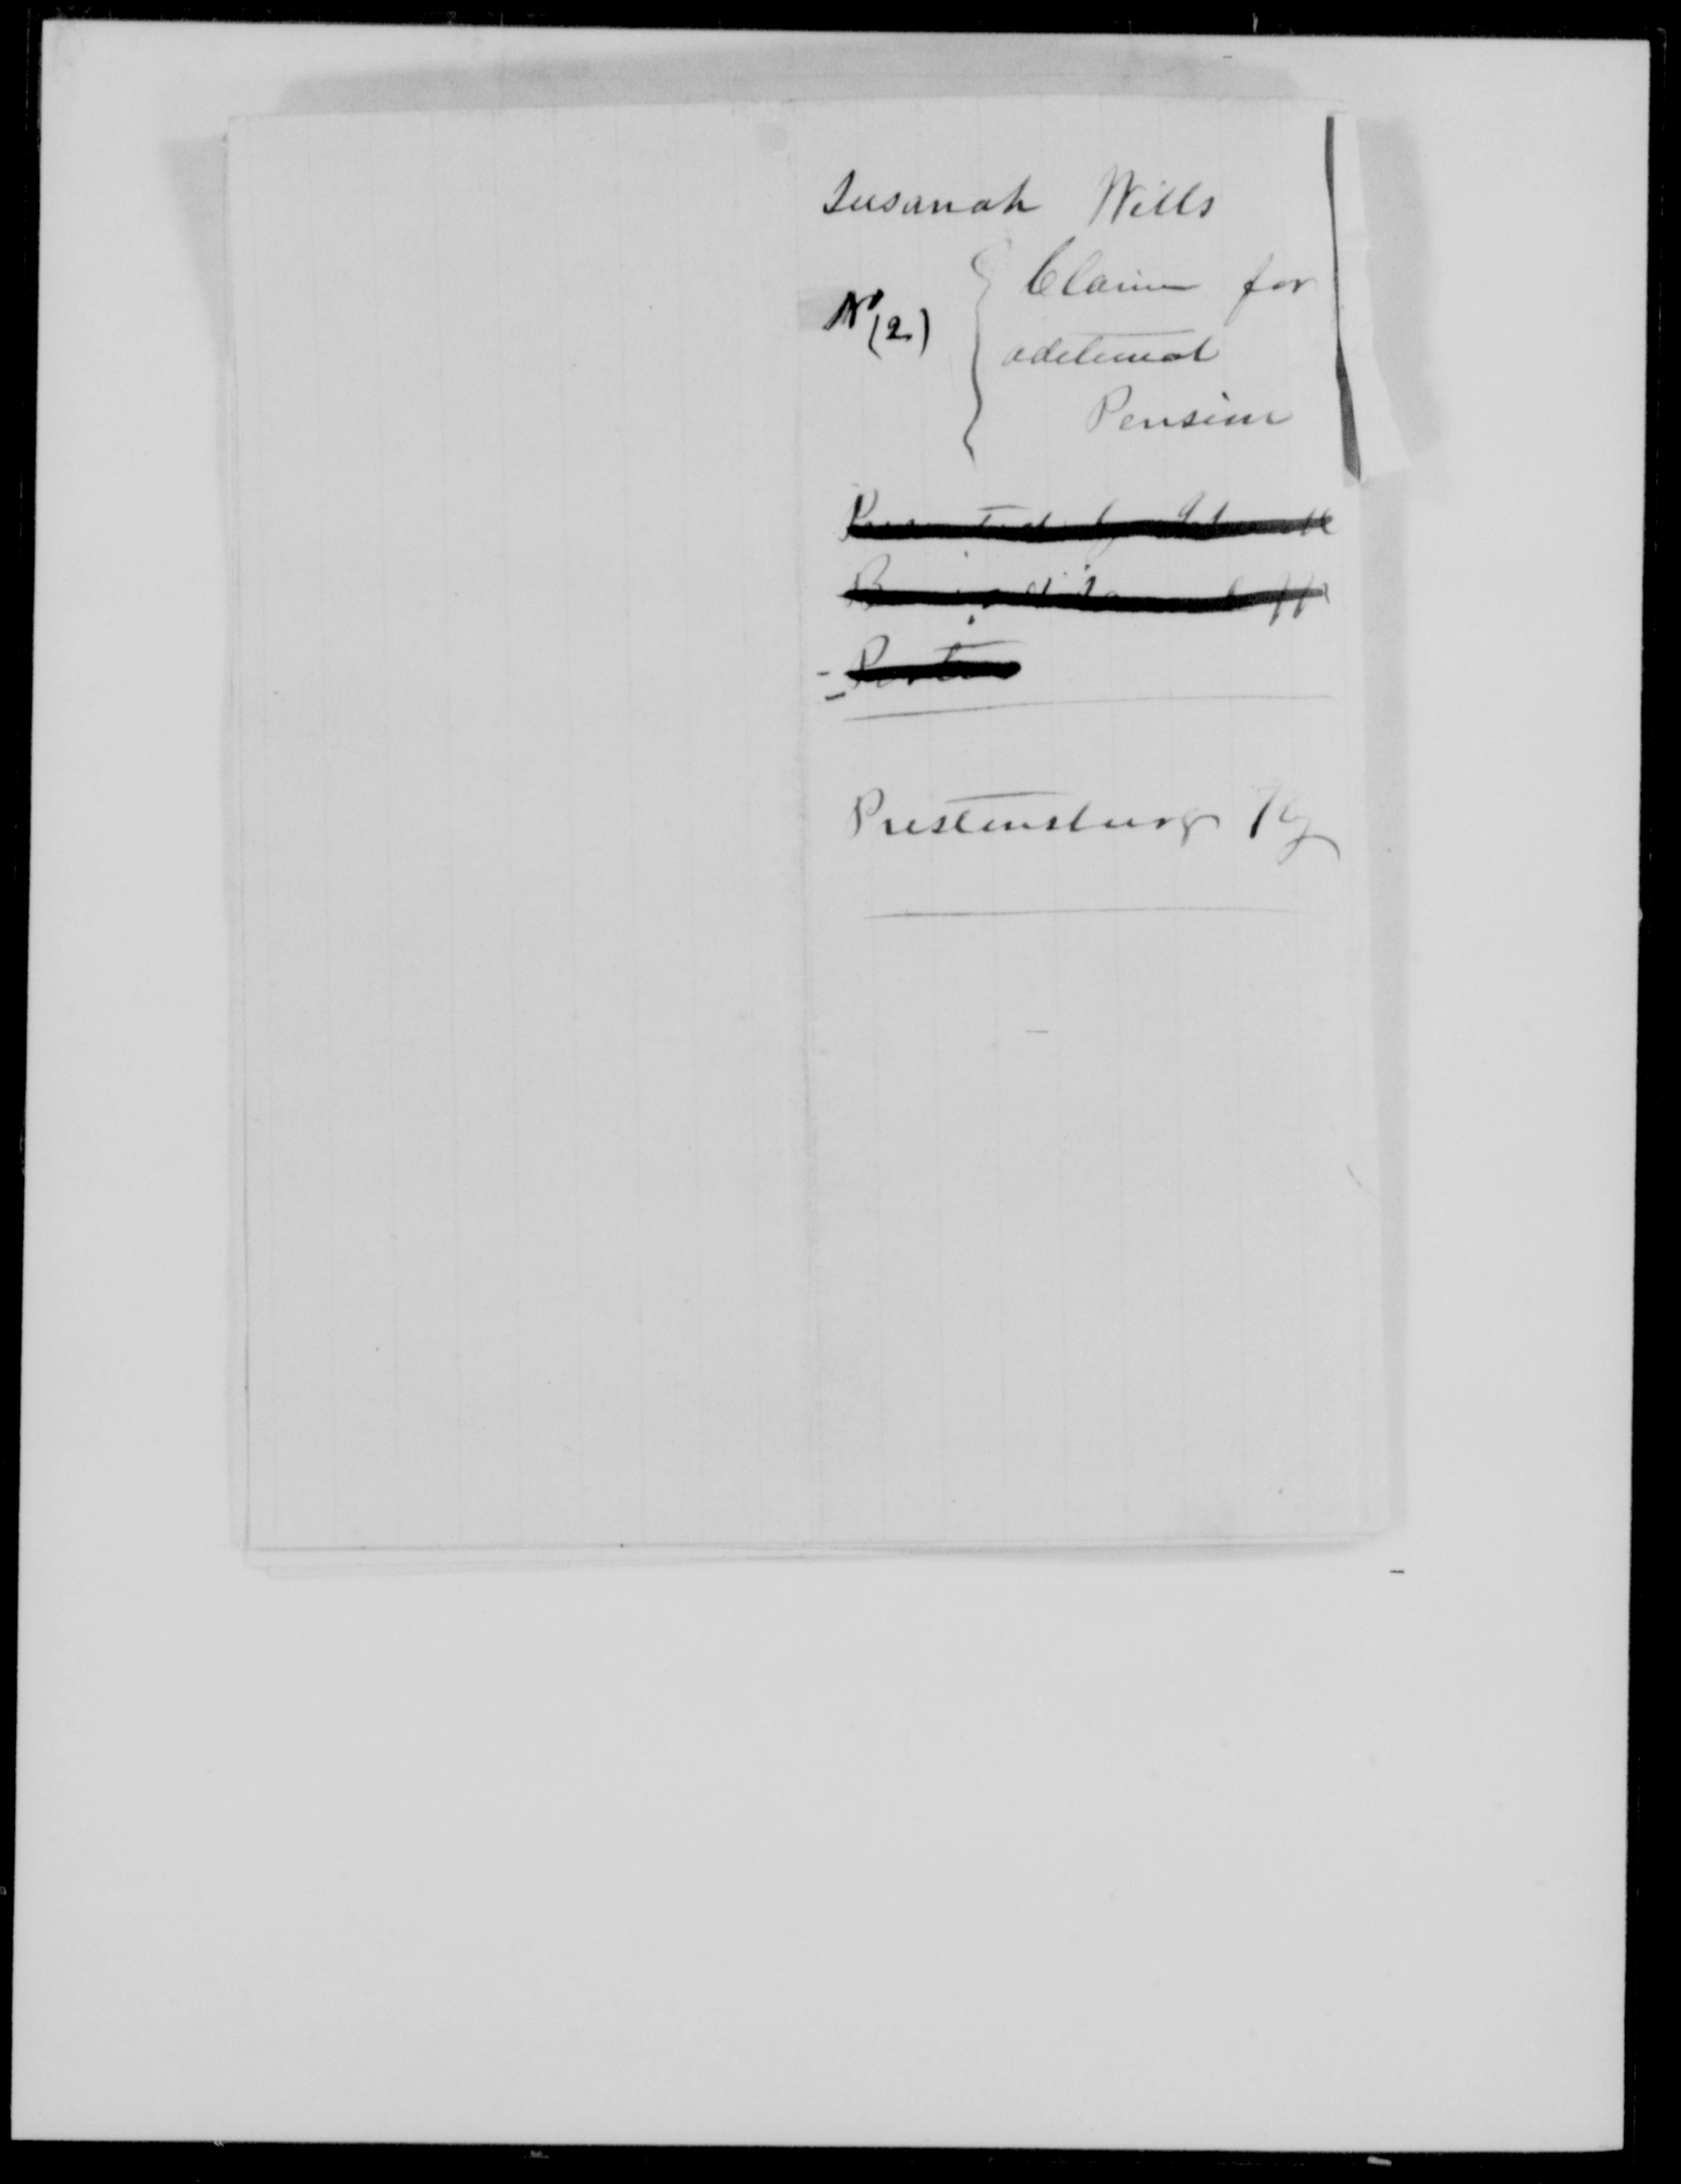Susanah Wells  No.(2) [ Claim for additional pension ] Prestonsburg Ky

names: Susanah Wills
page: 18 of 100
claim: widow's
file: W. 6437, Richard Wells, Ga Va.